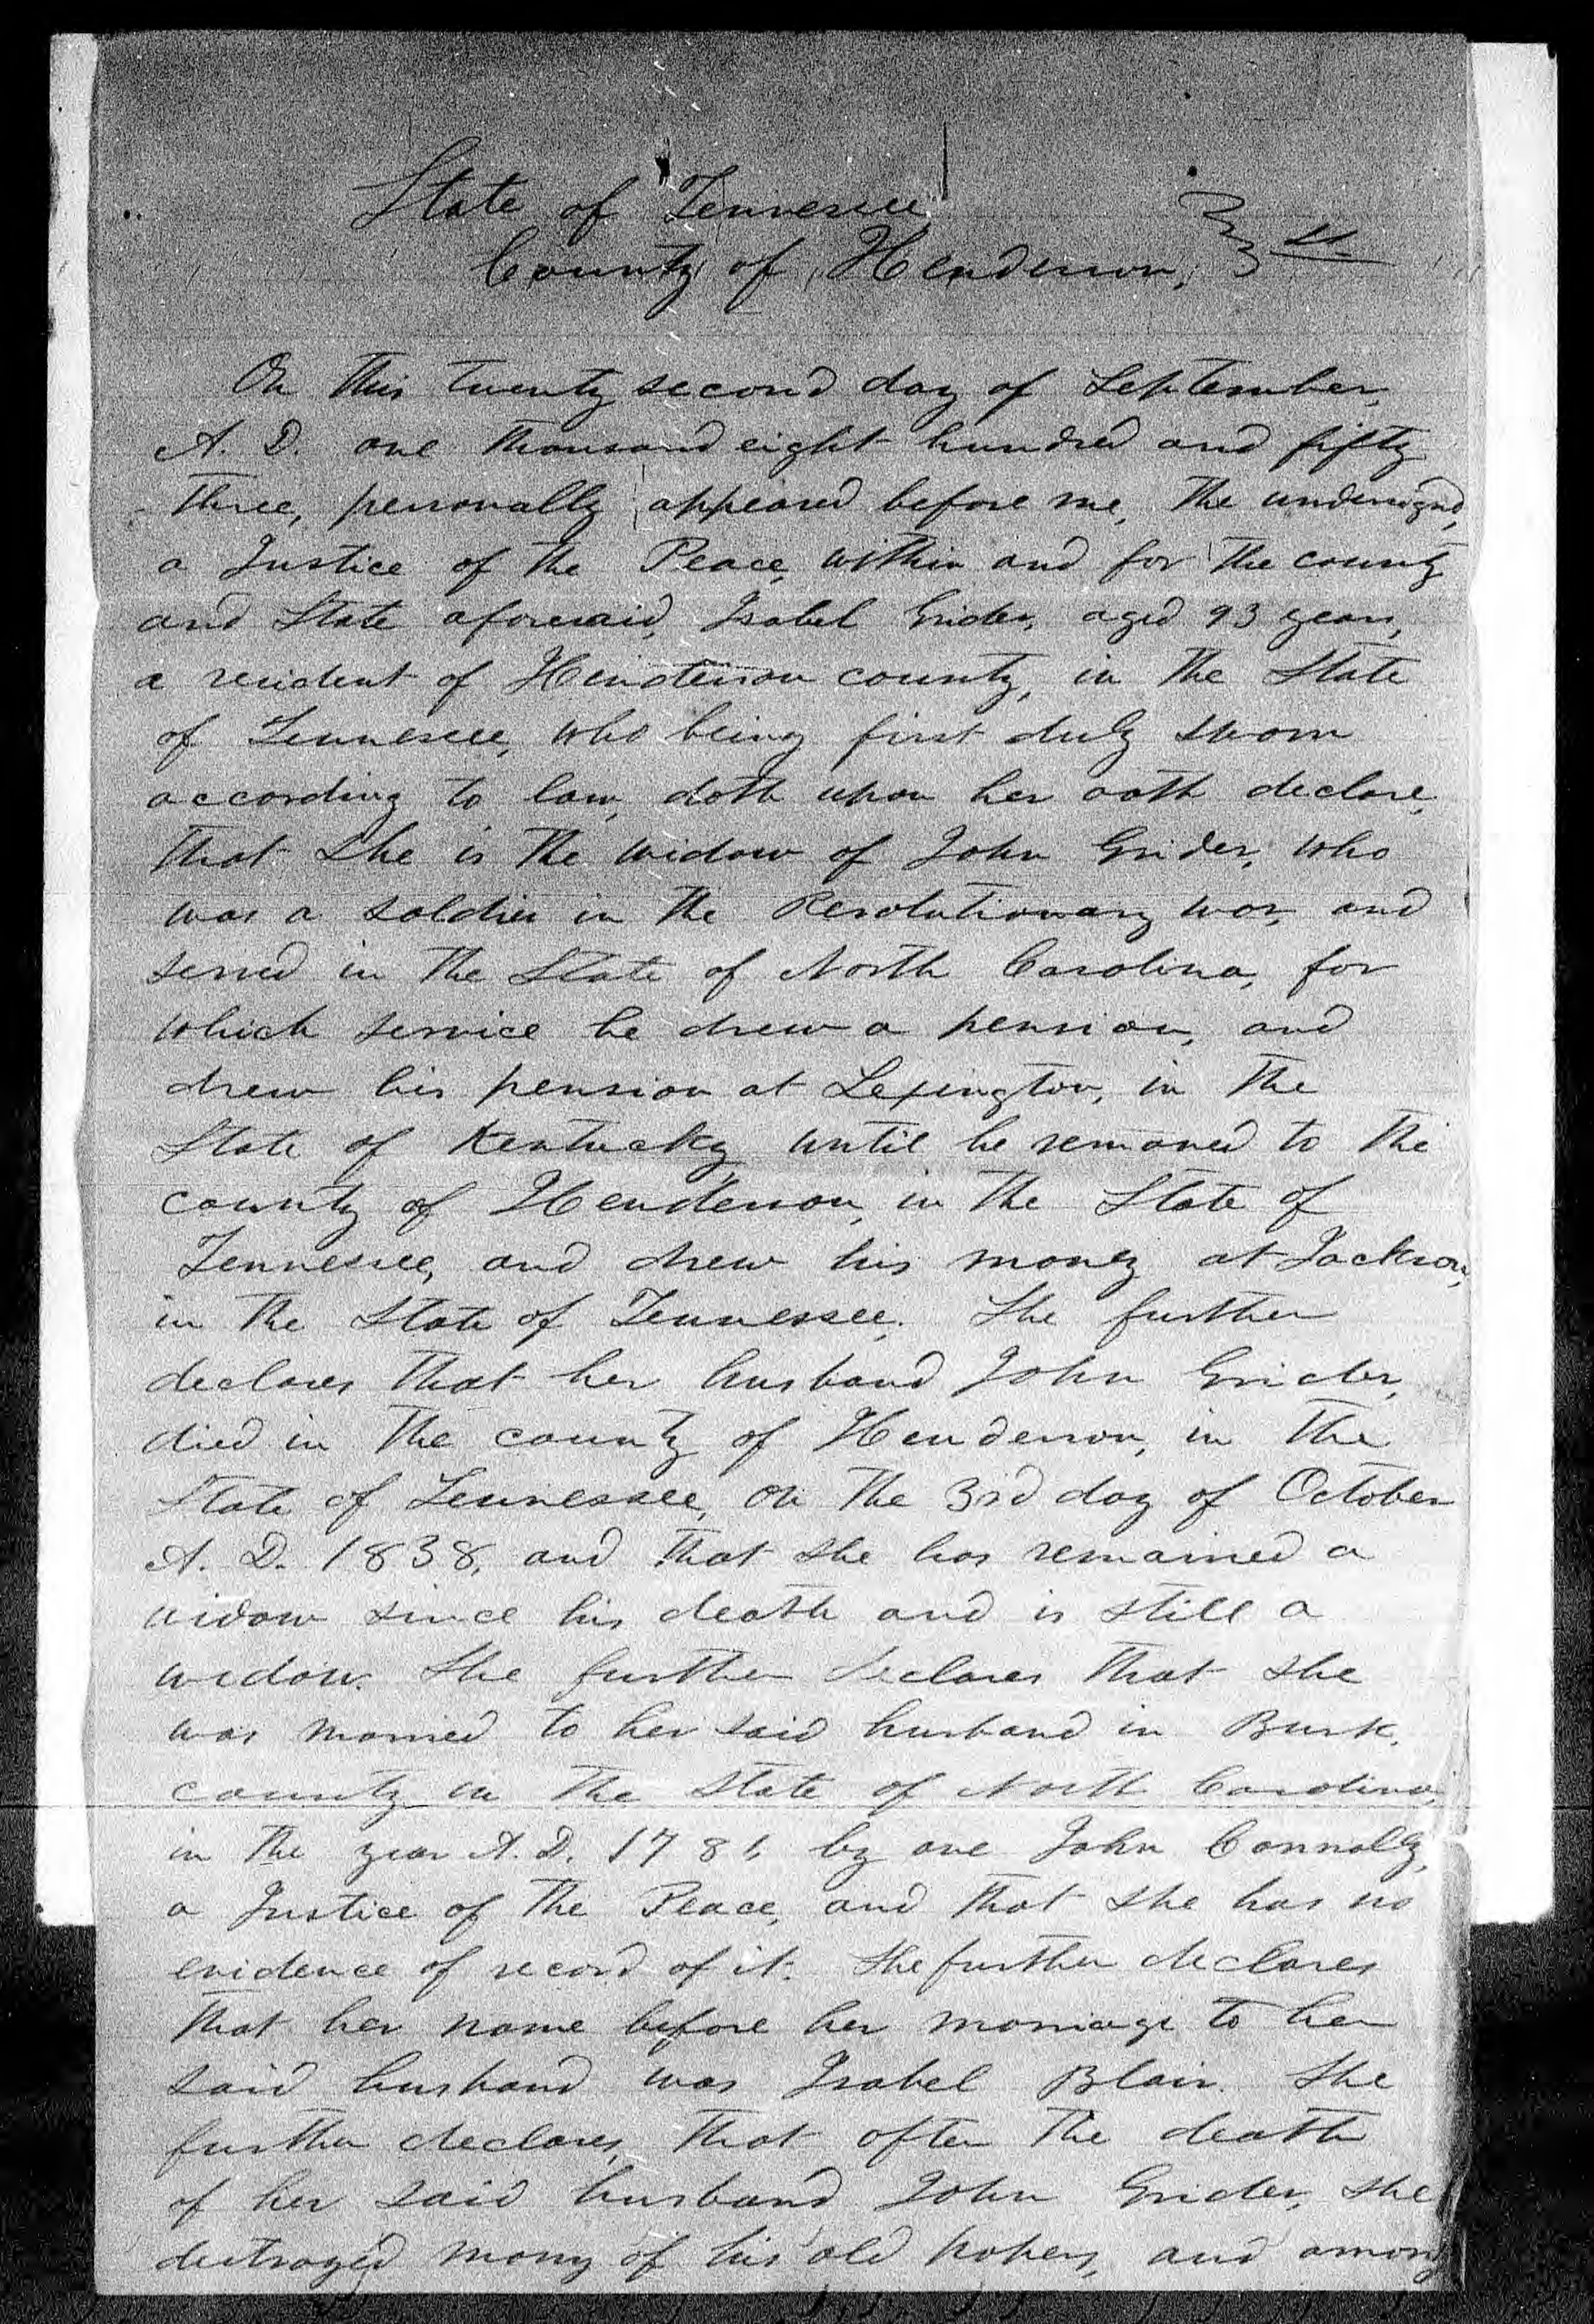State of Tennessee 
County of Henderson  }  ss.

On this twenty second day of September A.D. one thousand eight hundred and fifty three, personally appeared before me, the undersigned a Justice of the Peace within and for the county and State aforesaid, Isabel Grider, aged 93 years, a resident of Henderson county in the state of Tennessee, who being first duly sworn according to law, doth upon her oath declare that she is the widow of John Grider, who was a soldier in the Revolutionary war, and served in the state of North Carolina, for which service he drew a pension, and drew his pension at Lexington, in the state of Kentucky until he removed to the county of Henderson, in the State of Tennessee, and drew his money at Jackson, in the state of Tennessee. She further declares that her husband John Grider, died in the county of Henderson, in the State of Tennessee, on the 3rd day of October A.D. 1838, and that she has remained a widow since his death and is still a widow. She further declares that she was married other her said husband in the Burk county in the state of North Carolina, in the year A.D. 1781, by one John Connolly a Justice of the Peace, and that she has no evidence of record of it. She further declares that her name before her marriage to her said husband was Isabel Blair. She further declares, that after the death of her said husband John Grider, she destroyed many of his old papers, and among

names: John Grider, Isabel Grider, John Connolly, Isabel Blair, John Grider, John Grider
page: 12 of 91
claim: widow's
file: W 358, John Grider, N.C.